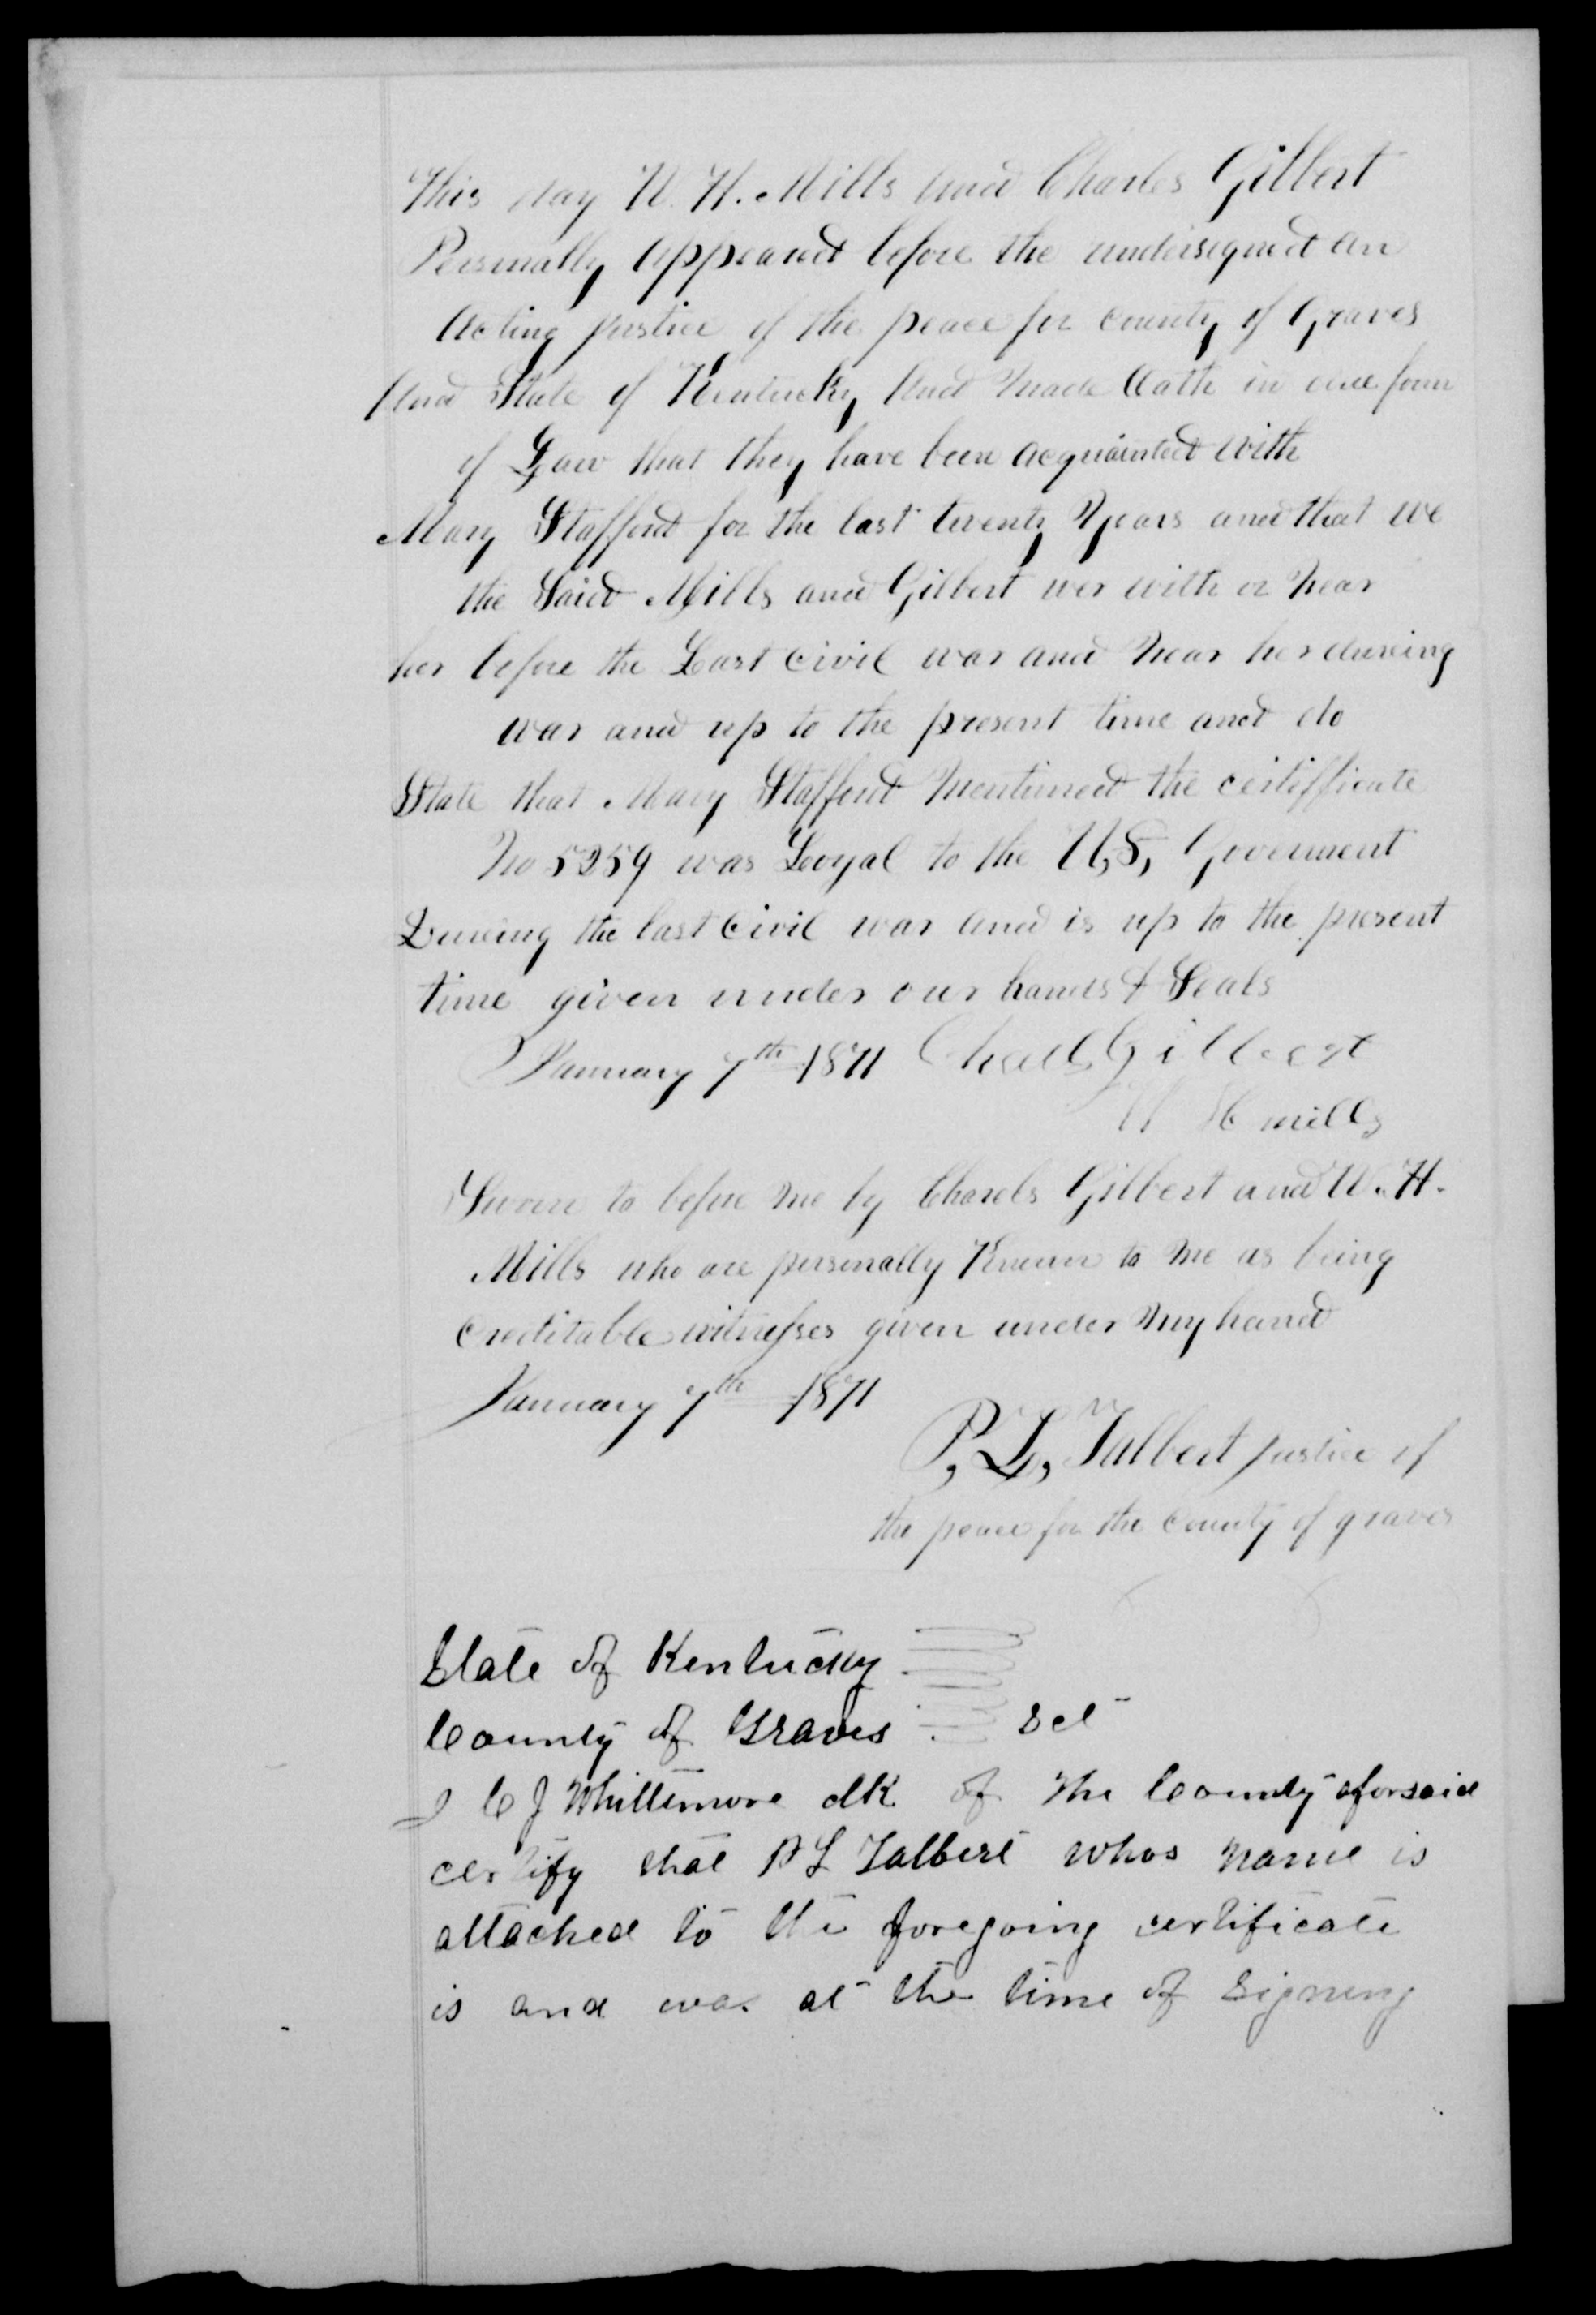This day W. H. Mills and Charles Gilbert Personally Appeared before the  undersigned an Acting Justice of the Peace for county of Graves and state of Kentucky And Made Oath in all form of Law that they have been acquainted with Mary Stafford for the last twenty Years and that we the Said Mills and Gilbert were with or near her before the Last civil War and Near her during war and up to the resent time and do State that Mary Stafford mentioned certificate No 5259 was Loyal to the U, S,  Government Leaving the last Civil warned is up to the present time given under our hands & Seals
January 7th 1871 Charles Gilbert
W.H. Mills
Sworn to before me by Charels Gilbert and W. H. Mills who are personally known to me as being creditable witnefses  given under My hand
January 7th 1871

P, L, Talbert justice of 
the peace for the County of Graves

State of Kentucky }
County of Graves  }  Seal
I C. J. Whittemore  clk of the  County aforesaid
certify that P L Talbert whos name is
attached to the foregoing certificate 
is and was at the time of Signing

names: W H Mills; [BLANK] Gilbert; P L Talbert; Charles Gilbert; Mary Stafford; C J Whitlemore; [BLANK] Mills; Charls Gilbert; W H Mills; Mary Stafford; P L Talbert; Charles Gilbert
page: 35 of 61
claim: widow's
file: W. 11554, for John Stafford, Maryland